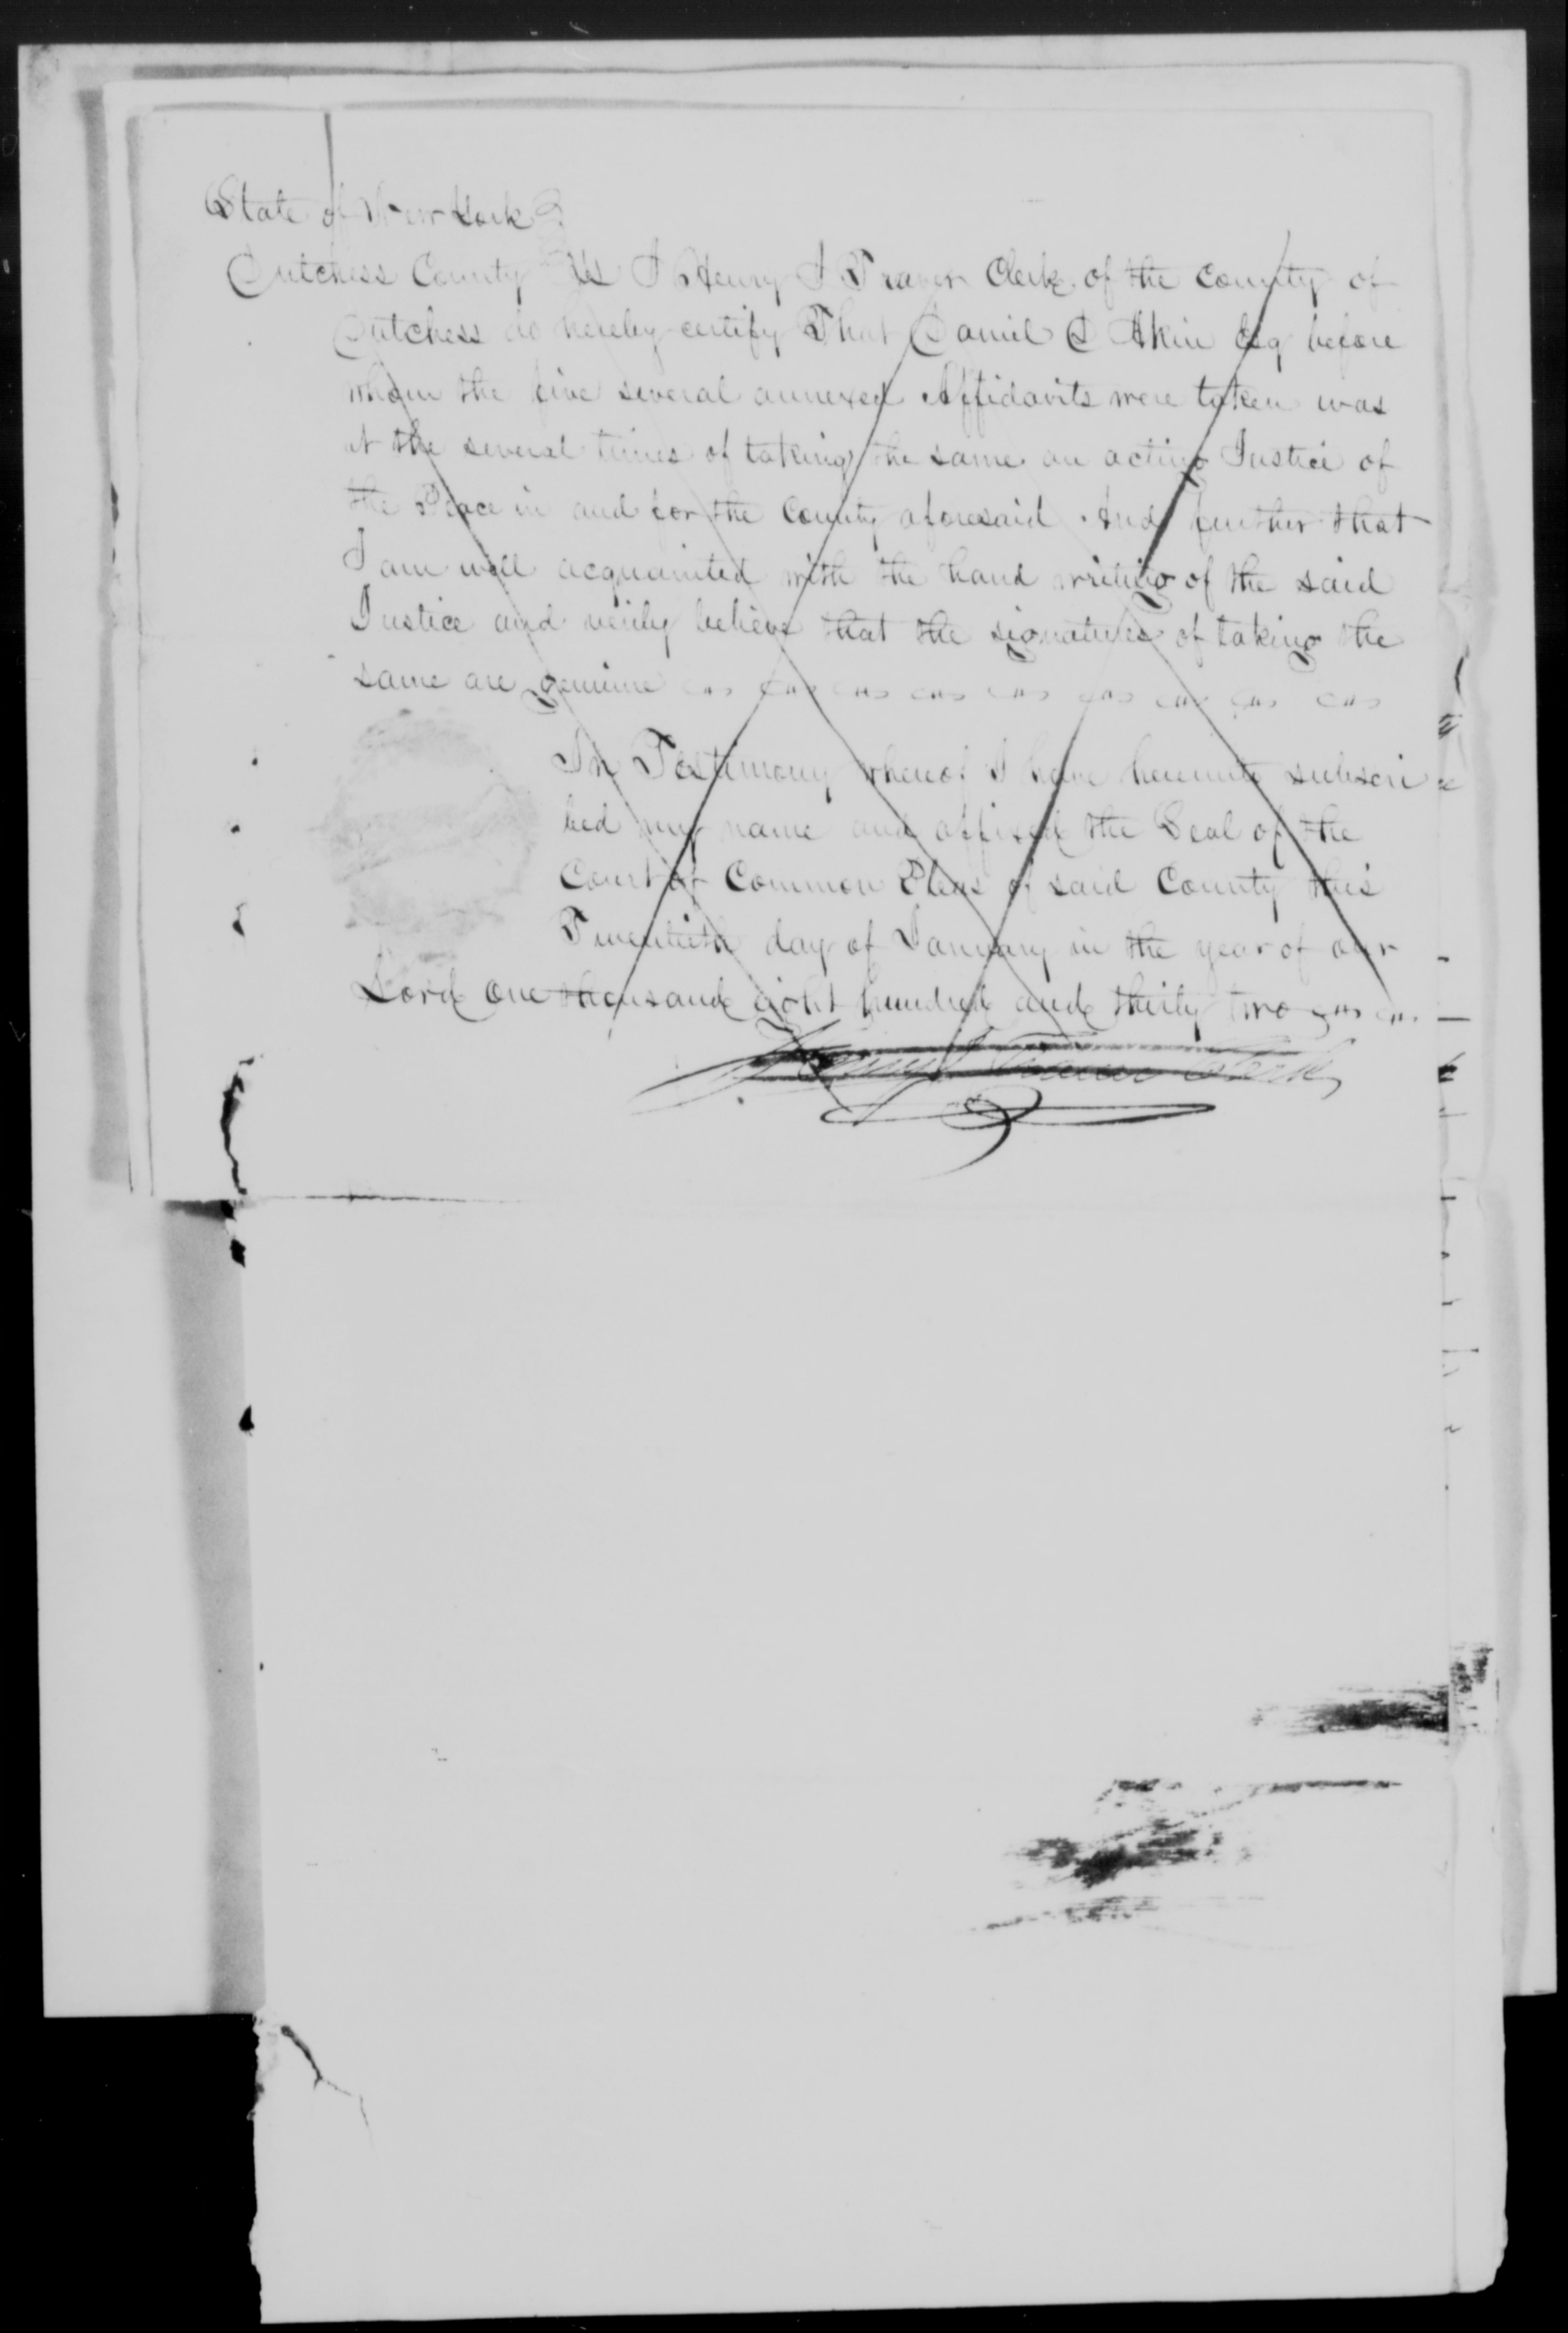[ENTIRE PAGE IS CROSSED OUT BUT LEGIBLE]

State of New York 
Dutchess County SS  I Henry J Traver Clerk of the County of Dutchess do hereby certify that Daniel C Akin Esq before whom the five several annexed Affidavits were taken was at the several times of taking the same an acting Justice of the Peace in and for the County aforesaid  And further that I am well acquainted with the hand writing of the said Justice and verily believe that the signature of taking the same are genuine

In Testimony thereof I have hereunto subscribed my name and affixed the Seal of the Court of Common Pleas of said County this Twentieth day of January in the year Lord one thousand eight hundred of and thirty two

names: Henry J Traver, Daniel D Akin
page: 33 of 77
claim: widow's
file: W. 19658, John Woodin, New York